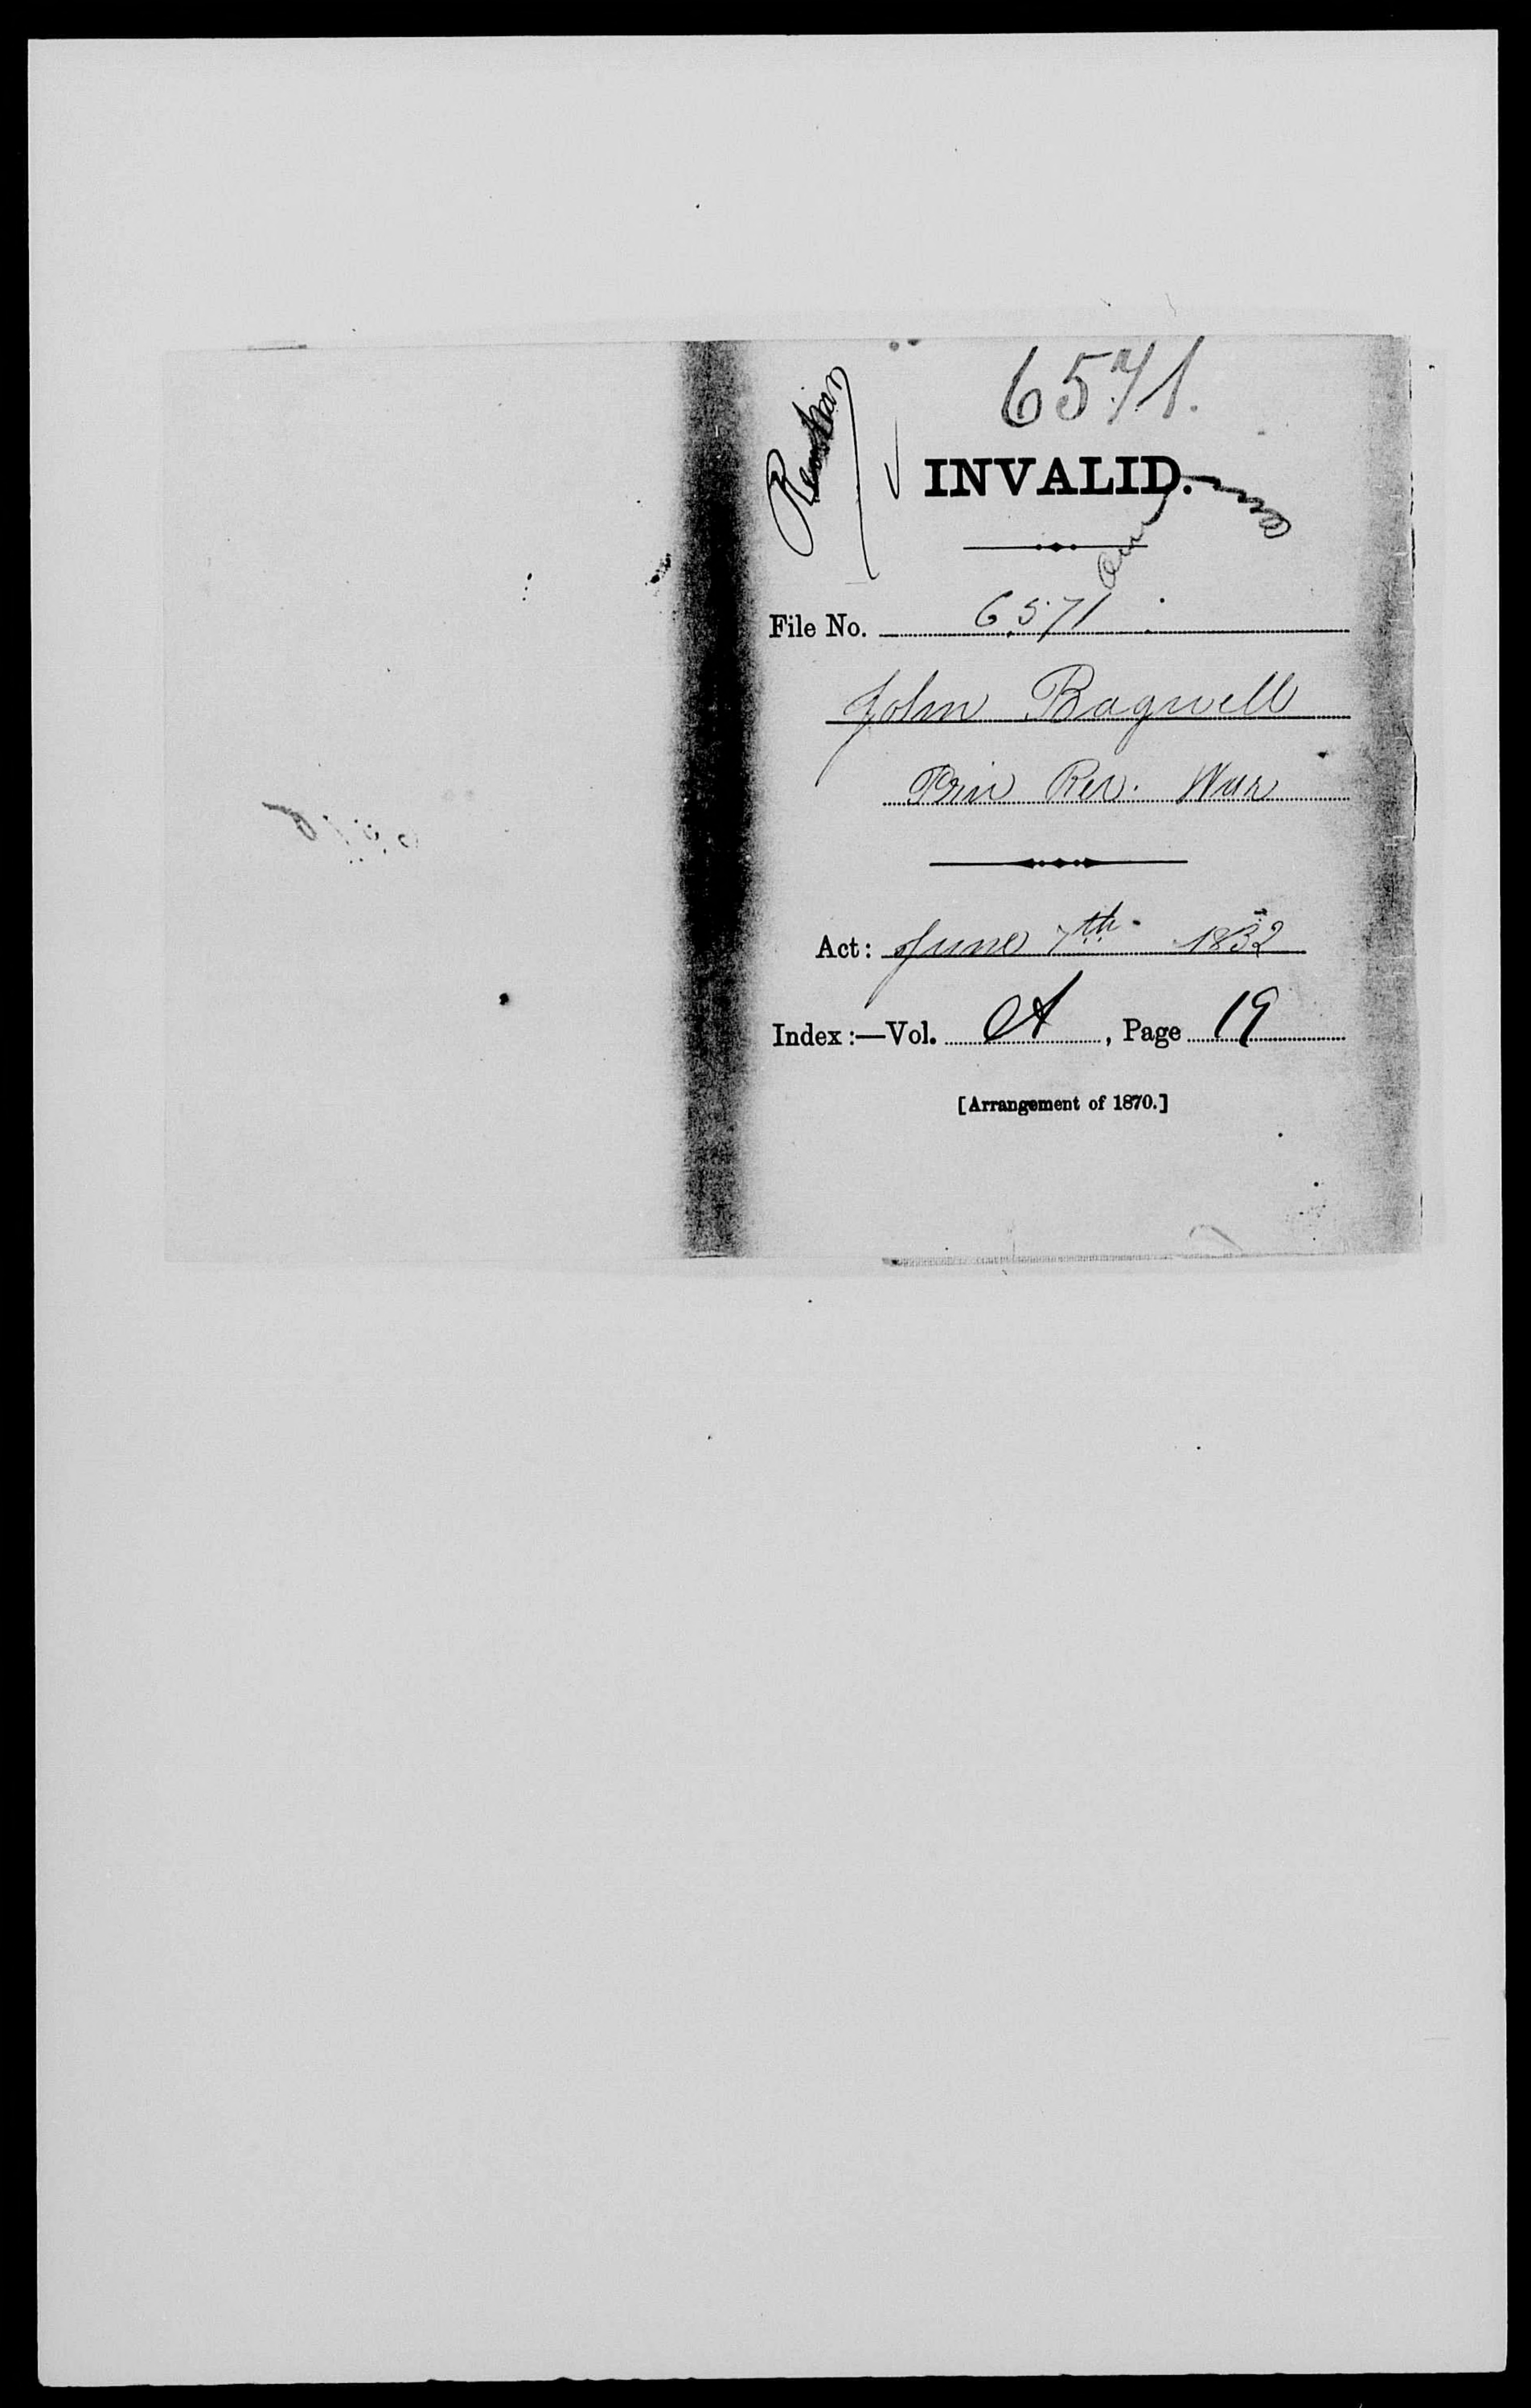657A
[  ] INVALID.
---
File No.
6571
John Bagwell
Pri Rev. War

Act: June 7th 1832
Index: -- Vol. A, Page 19
Arrangement of 1870.]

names: John Bagwell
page: 9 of 36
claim: survivor's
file: S 6571, John Bagwell, N.C.